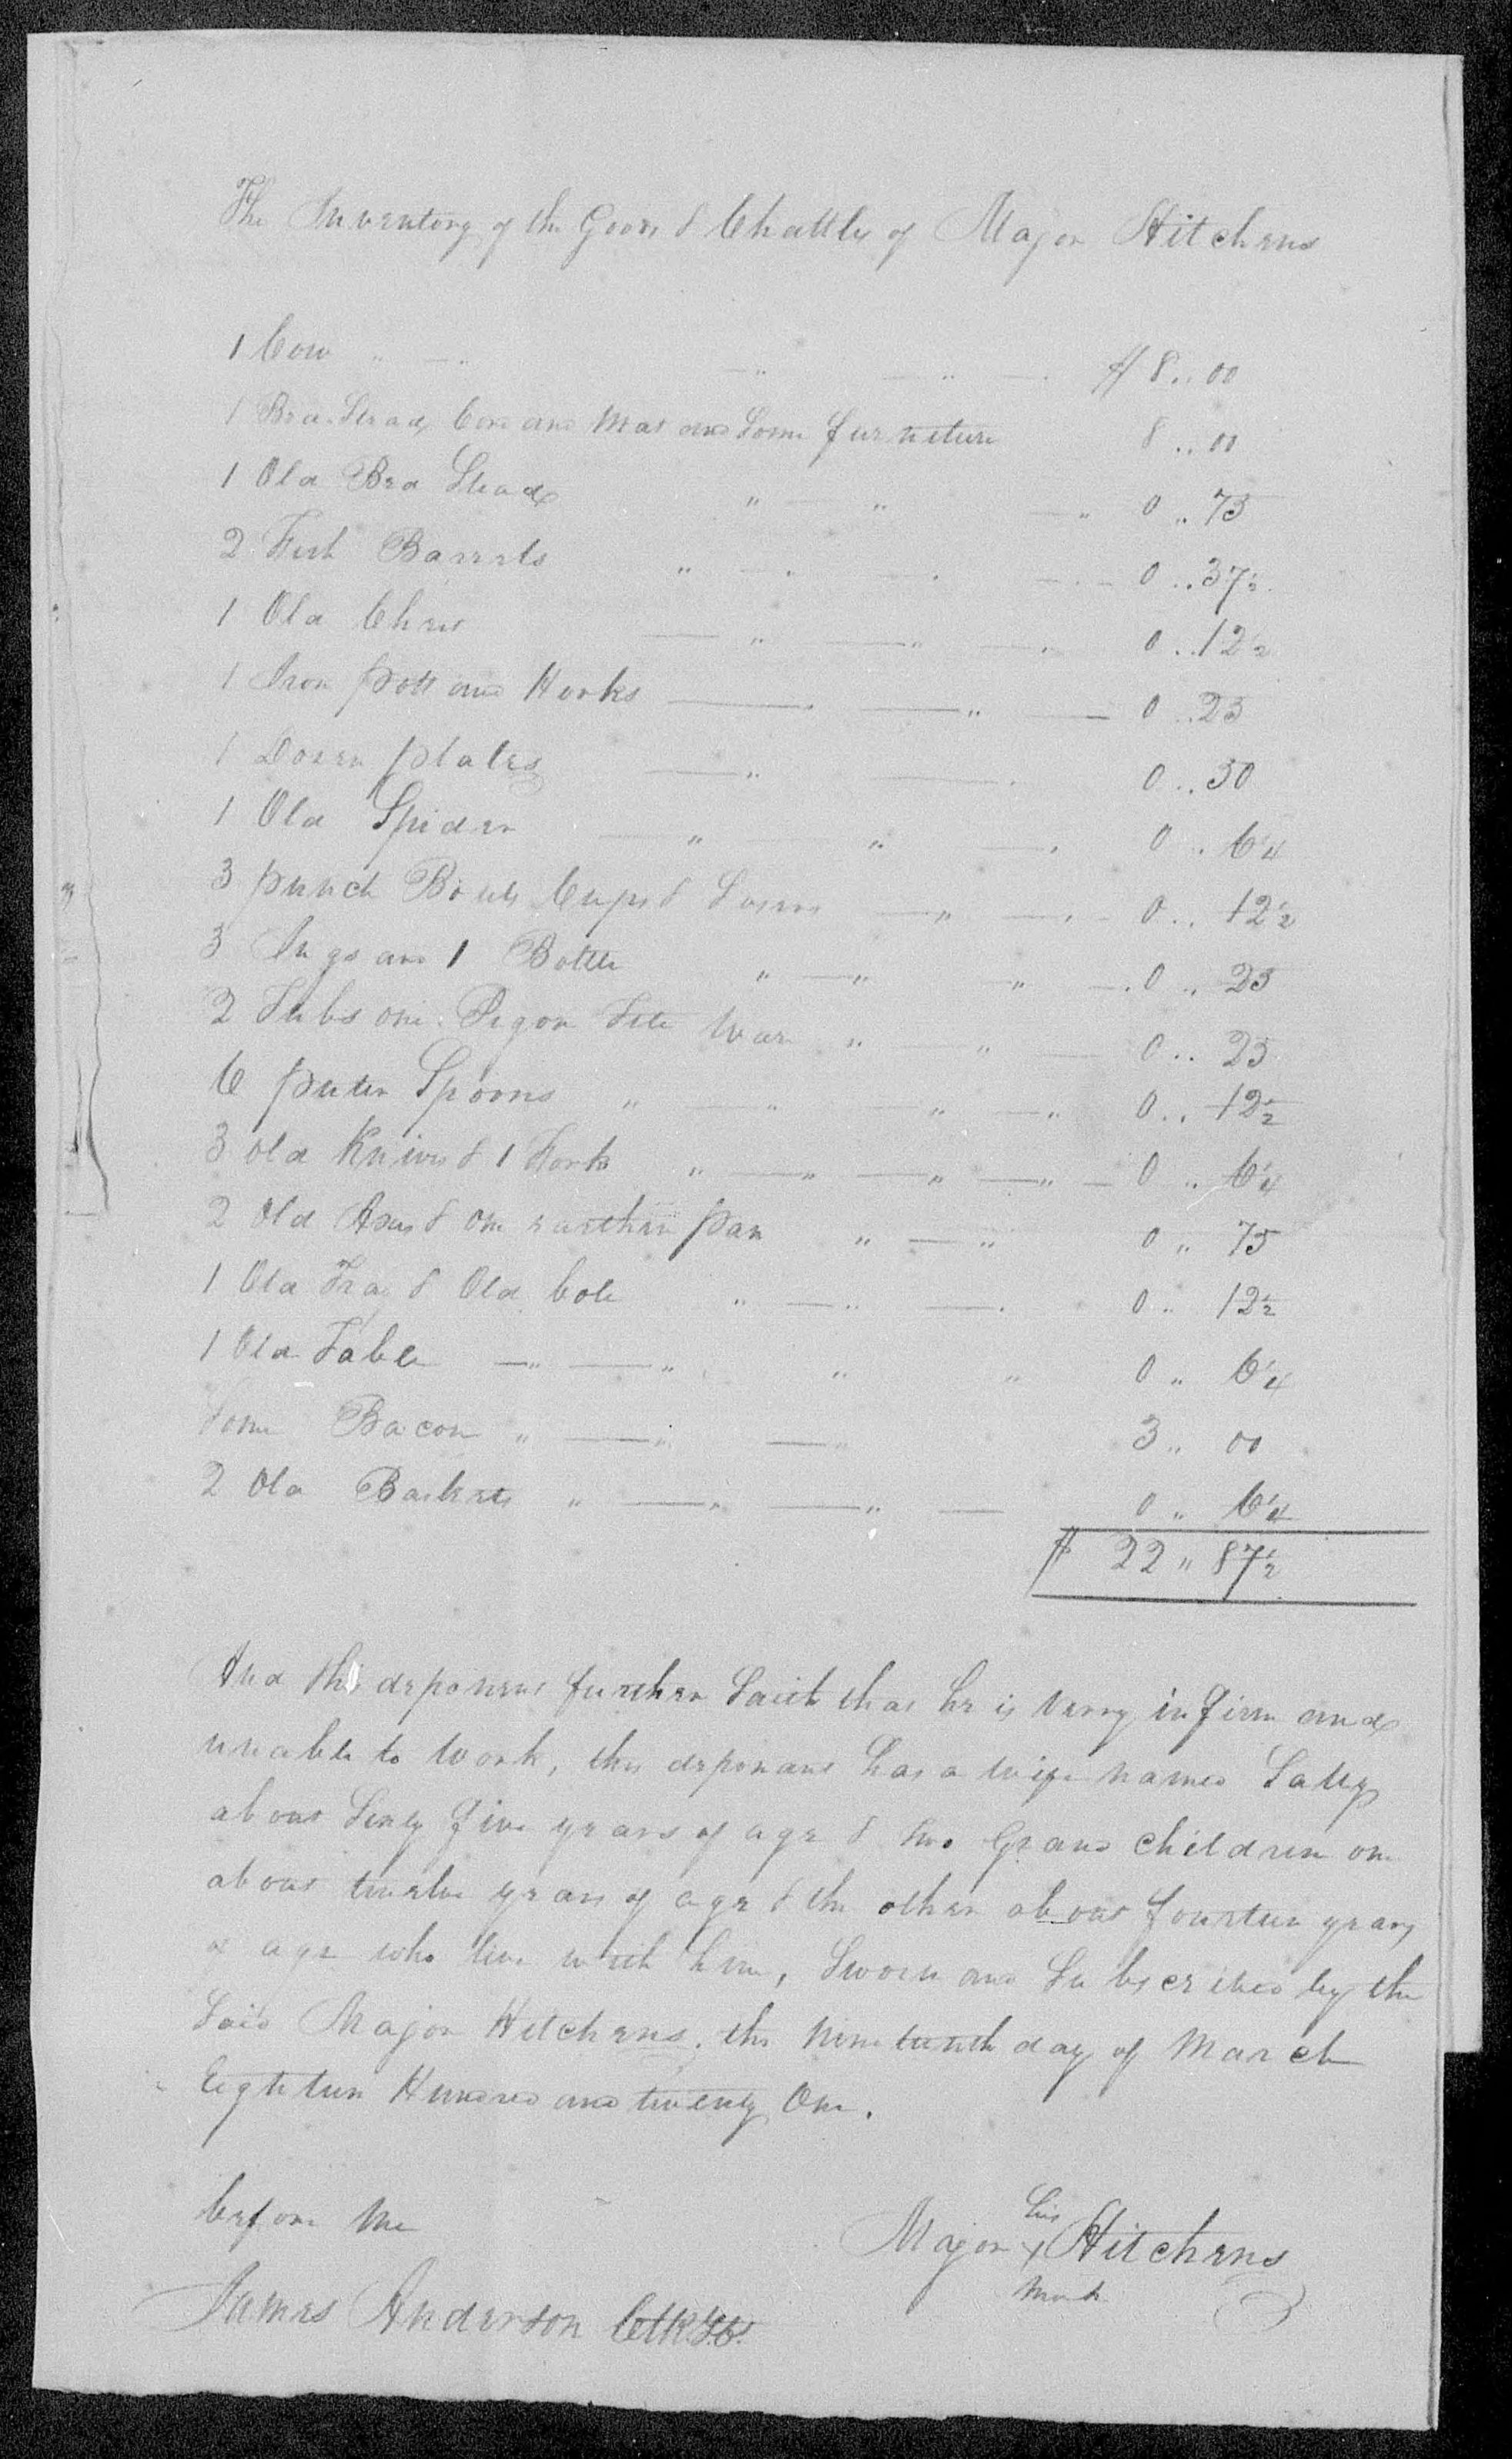The Inventory of the Goods & Chattle (sic) of Major Hitchens

1 Cow                                                                  $8.00
1 Bed stead, cover and mat in form of furniture    8.00
1 Old bed stead                                                     0.75
2 Fish barrels                                                         0.37
1 Old chest                                                            0.12
1 Iron pots on hooks                                              0.23
1 Dozen plates                                                      0.30
1 Old spider                                                          0.06
3 Punch bowls cups & saucers                             0.12
3 Ingram/bottles                                                    0.25
2 Tubs on legs                                                      0.25
6 Peter spoons                                                     0.12
3 Old knives and forks                                         0.06
2 Old pans & one earthen pan                             0.75
1 Old Tra & old cole                                             0.12
1 Old table                                                            0.06
Some Bacon                                                         3.00
2 Old basket                                                         0.06
                                                                           $22.87

And the deponent further saith that he is very infirm and unable to work, the deponent has a wife named Saley about sixty five years of age & two grandchildren one about twelve years of age and the other about fourteen years of age who live with him.  Sworn and subscribed he said Major Hitchens, the nineteenth day of March eighteen hundred and twenty one.

Before me Major Hitchens his mark

James Anderson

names: Sally, Major Hitchens, Major Hitchens, James Anderson, Major Hitchens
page: 14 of 21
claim: survivor's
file: S. 36017, Major Hitchens, Del.